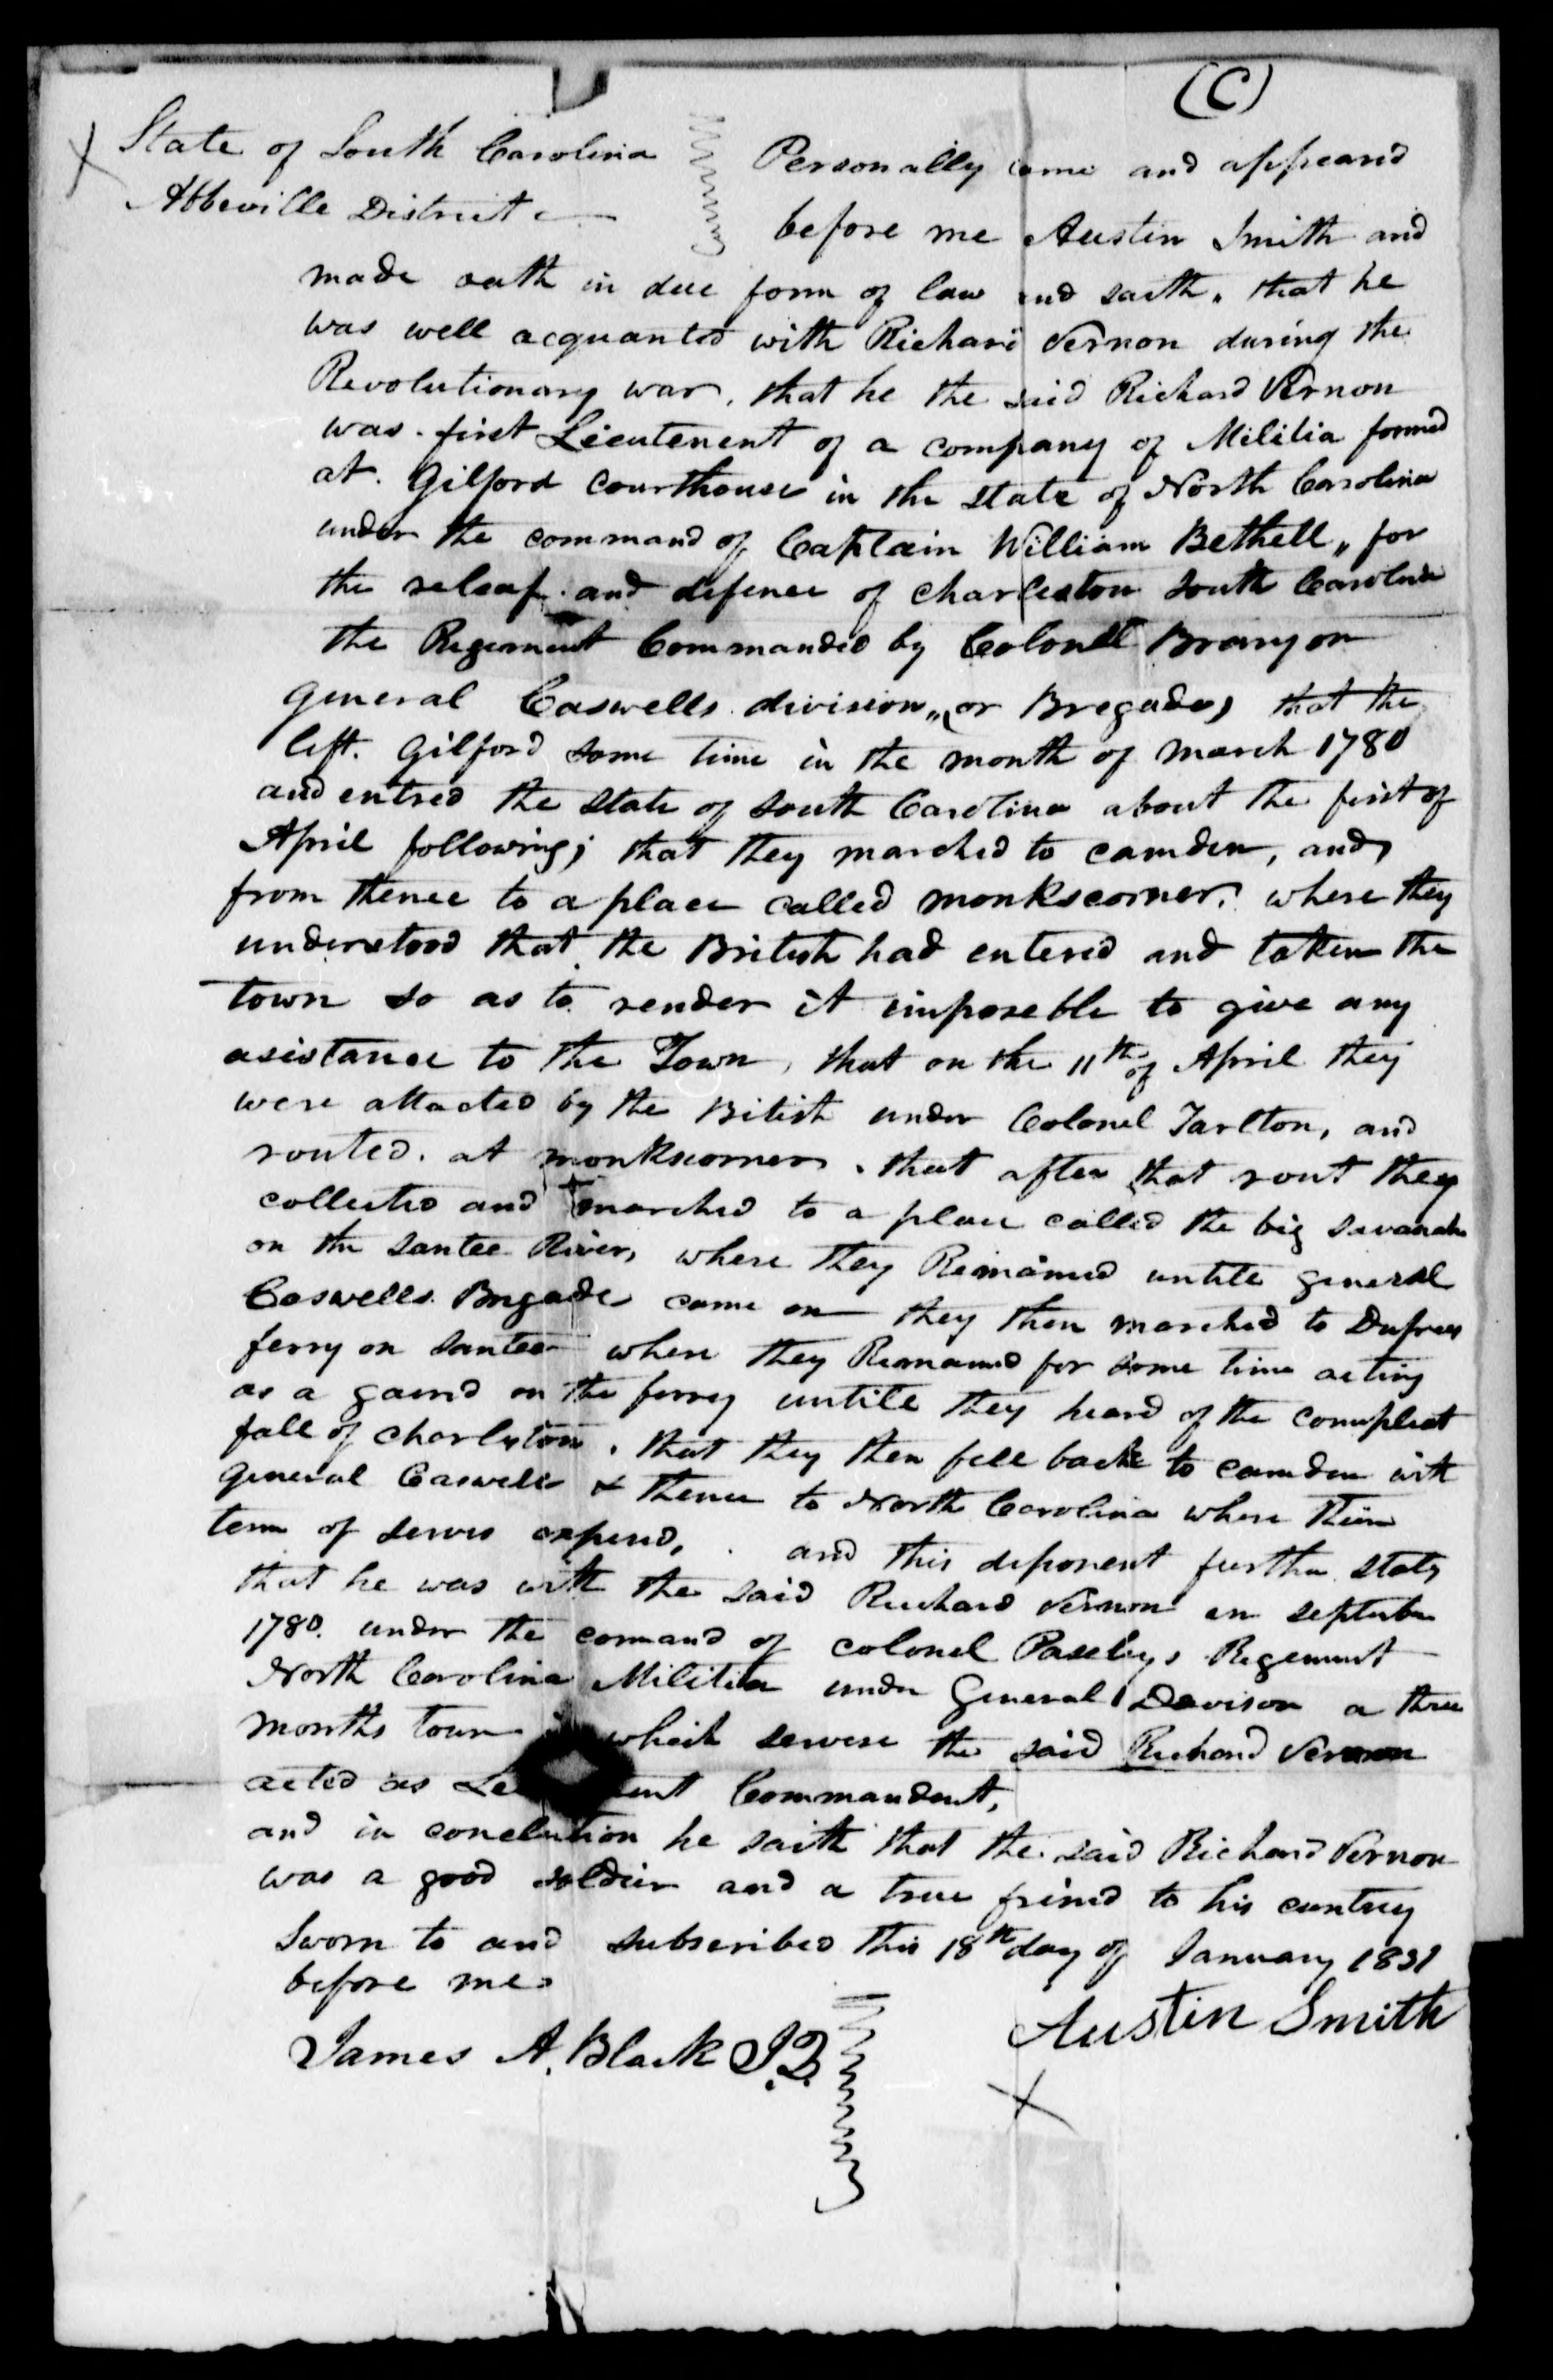(C)
State of Tennessee}
Abbeville District}

Personally came and appeared before me Austin Smith and made oath in due form of law and saith, that he was well acquainted with Richard Vernon during the Revolutionary war. That he the said Richard Vernon was first Lieutenant of a company of Militia formed at Gilford Courthouse in the State of North Carolina under the command of Captain William Bethell, for the releaf and defense of Charleston South Carolina. The Regiment Commanded by Colonel Banyon General Caswells division (or Bregade), that he left Gilford some time in the month of March 1780 and entered the State of South Carolina about the first of April following; that they marched to Camden, and from thence to a place called monkscorner where they understood that the British had entered and taken the town so as to render it impossible to give any assistance to the Town, that on the 11th of April they were attacted by the Bitish under Colonel Tarlton, and routed. At monkscorner, that after that rout they collected and marched to a place called the big Savanah on the Santee River, where they Remained untill General Caswells Brigade came on they then marched to Dufren as a guard on the ferry untill they heard of the compleat fall of Charleston. That they then fell back to Camden with General Caswells & thence to North Carolina where their term of servis  [illegible], and this deponent further states that he was with the said Richard Vernon on September 1780 under the comand of colonel Pasely, Regiment  North Carolina Militia under General Davison a three months tour which servese the said Richard Vernon acted as Lieutenant Commandant, and in conclusion he saith that the said Richard Vernon was a good soldier and a true friend to his country 
Austin Smith 
Sworn to and Subscribed this 18th day of January 1831 before me
Jame A. Black J. P.}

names: Austin Smith, Davison, Richard Vernon, James A Black, Paseley, Richard Vernon, Austin Smith, William Bethell, Caswell, Branyon, Caswell, Richard Vernon, Richard Vernon, Tarlton, Richard Vernon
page: 100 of 105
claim: survivor's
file: S. 1883, Richard Vernon, N.C.